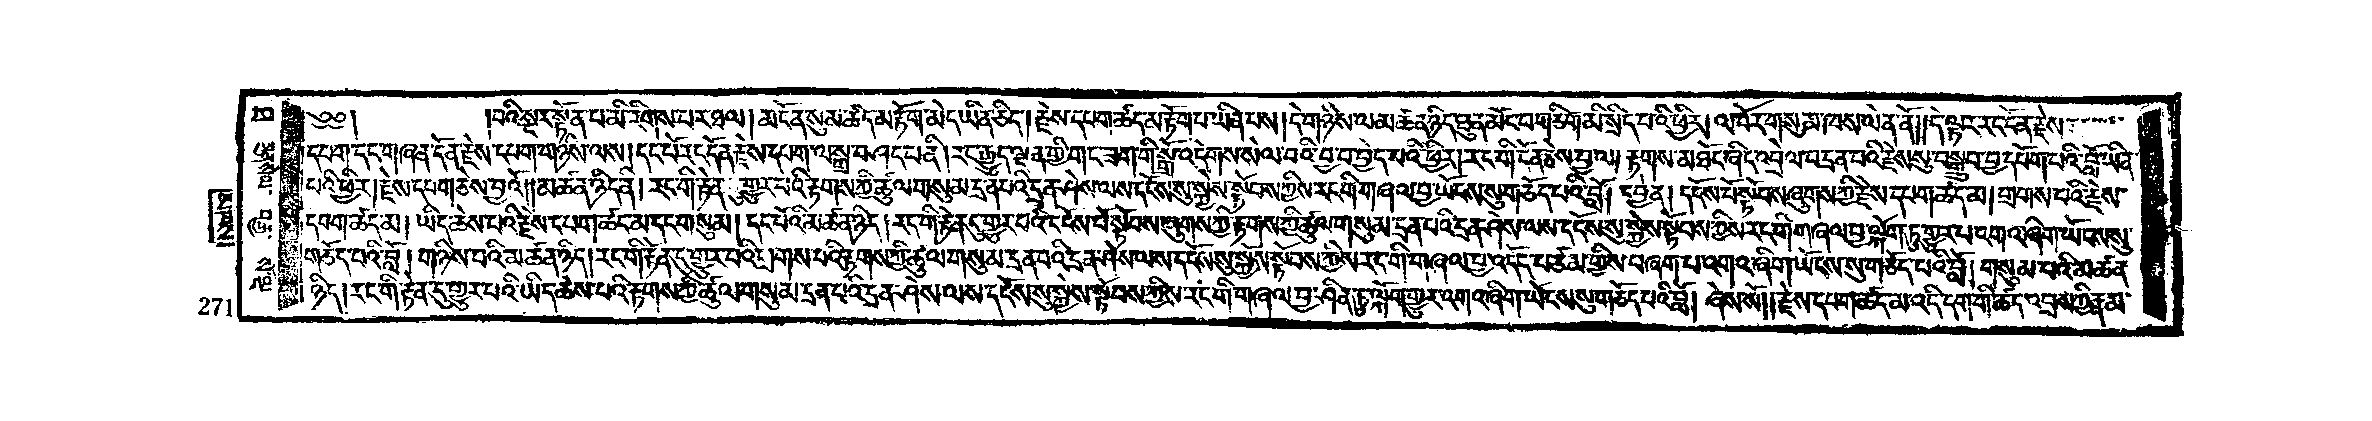༄༅། །བའི་སྔར་སྟོན་པ་མི་རིགས་པར་ཐལ། མངོན་སུམ་ཚད་མ་རྟོག་མེད་ཡིན་ཅིང་། རྗེས་དཔག་ཚད་མ་རྟོག་པ་ཡིན་པས། དེ་གཉིས་ལ་མཚན་ཉིད་ཐུན་མོང་བ་གཅིག་མི་སྲིད་པའི་ཕྱིར། འཁོར་གསུམ་ཁས་ལེན་ནོ། །དེ་ལྟར་རང་དོན་རྗེས་
དཔག་དང་གཞན་དོན་རྗེས་དཔག་གཉིས་ལས། དང་པོ་རང་དོན་རྗེས་དཔག་ལ་སྒྲ་བཤད་པ་ནི། རང་རྒྱུད་ལྡན་གྱི་གང་ཟག་གི་སྒྲོ་འདོགས་སེལ་བའི་བྱ་བ་བྱེད་པའི་ཕྱིར། རང་གི་དོན་ཅེས་བྱ་ལ། རྟགས་མཐོང་ཞིང་འབྲེལ་བ་དྲན་པའི་རྗེས་སུ་བསྒྲུབ་བྱ་དཔོག་པའི་བློ་ཡིན་
པའི་ཕྱིར། རྗེས་དཔག་ཅེས་བྱའོ། །མཚན་ཉིད་ནི། རང་གི་རྟེན་དུ་གྱུར་པའི་རྟགས་ཀྱི་ཚུལ་གསུམ་དྲན་པའི་དྲན་ཤེས་ལས་དངོས་སུ་སྐྱེས་སྟོབས་ཀྱིས་རང་གི་གཞལ་བྱ་ཡོངས་སུ་གཅོད་པའི་བློ། དབྱེ་ན། དངོས་པོ་སྟོབས་ཞུགས་ཀྱི་རྗེས་དཔག་ཚད་མ། གྲགས་པའི་རྗེས་
དཔག་ཚད་མ། ཡིད་ཆེས་པའི་རྗེས་དཔག་ཚད་མ་དང་གསུམ། དང་པོའི་མཚན་ཉིད། རང་གི་རྟེན་དུ་གྱུར་པའི་དངོས་པོ་སྟོབས་ཞུགས་ཀྱི་རྟགས་ཀྱི་ཚུལ་གསུམ་དྲན་པའི་དྲན་ཤེས་ལས་དངོས་སུ་སྐྱེས་སྟོབས་ཀྱིས་རང་གི་གཞལ་བྱ་ལྐོག་ཏུ་གྱུར་པ་འགའ་ཞིག་ཡོངས་སུ་
གཅོད་པའི་བློ། གཉིས་པའི་མཚན་ཉིད། རང་གི་རྟེན་དུ་གྱུར་པའི་གྲགས་པའི་རྟགས་ཀྱི་ཚུལ་གསུམ་དྲན་པའི་དྲན་ཤེས་ལས་དངོས་སུ་སྐྱེས་སྟོབས་ཀྱིས་རང་གི་གཞལ་བྱ་འདོད་པ་ཙམ་གྱིས་བཞག་པ་འགའ་ཞིག་ཡོངས་སུ་གཅོད་པའི་བློ། གསུམ་པའི་མཚན་
ཉིད། རང་གི་རྟེན་དུ་གྱུར་པའི་ཡིད་ཆེས་པའི་རྟགས་ཀྱི་ཚུལ་གསུམ་དྲན་པའི་དྲན་ཤེས་ལས་དངོས་སུ་སྐྱེས་སྟོབས་ཀྱིས་རང་གི་གཞལ་བྱ་ཤིན་ཏུ་ལྐོག་གྱུར་འགའ་ཞིག་ཡོངས་སུ་གཅོད་པའི་བློ། ཞེས་སོ། །རྗེས་དཔག་ཚད་མ་འདི་དག་གི་ཚད་འབྲས་ཀྱི་རྣམ་